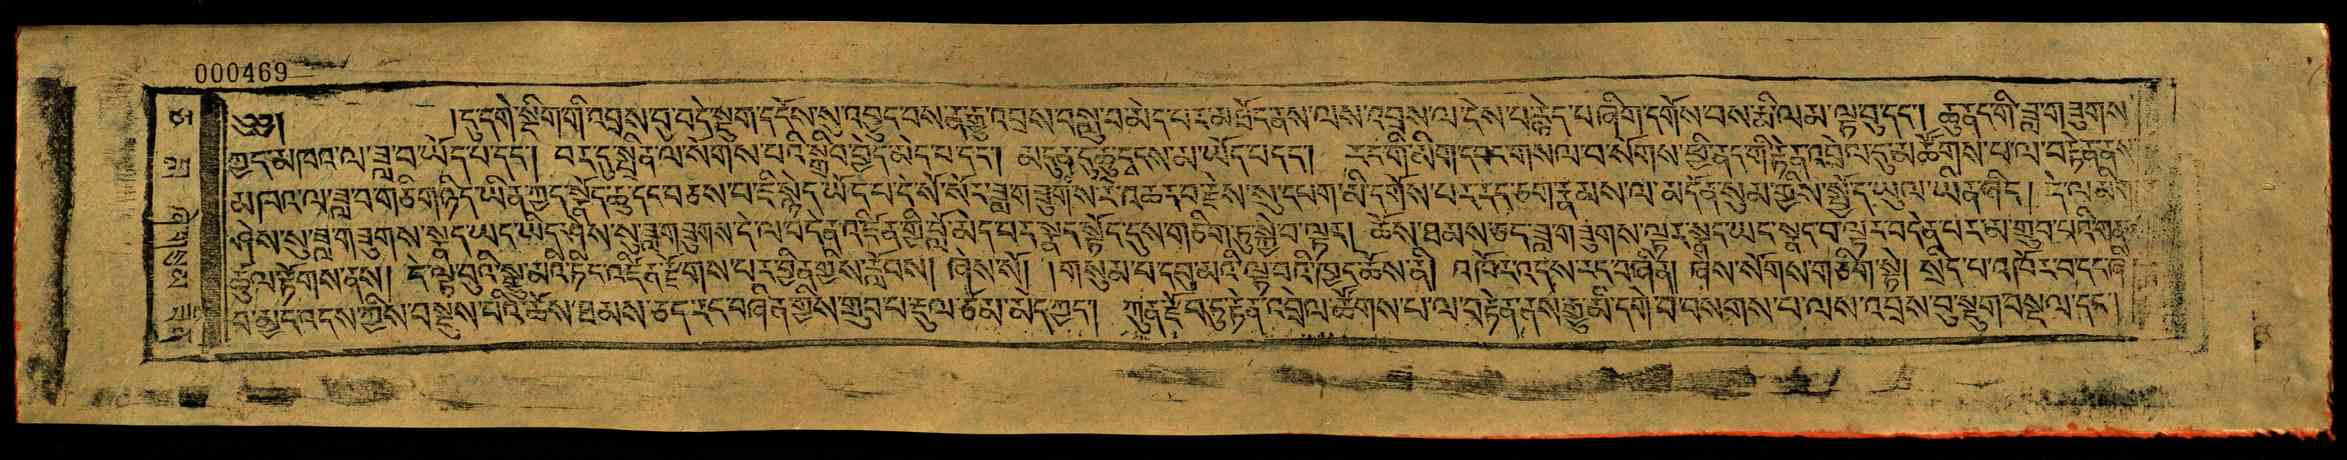༄༅། །དུ་དགེ་སྡིག་གི་འབྲས་བུ་བདེ་སྡུག་དངོས་སུ་འབྱུང་བས་ན་རྒྱུ་འབྲས་བསླུ་བ་མེད་པར་མཐོང་ནས་ལས་འབྲས་ལ་ངེས་པ་རྙེད་པ་ཞིག་དགོས་པས་རྨི་ལམ་ལྟ་བུ་དང་། ཆུ་ནང་གི་ཟླ་གཟུགས་
ཀྱང་མཁའ་ལ་ཟླ་བ་ཡོད་པ་དང་། བར་དུ་སྤྲིན་ལ་སོགས་པའི་སྒྲིབ་བྱེད་མེད་པ་དང་། མདུན་དུ་ཆུ་དྭངས་མ་ཡོད་པ་དང་། རང་གི་མིག་དབང་གསལ་བ་སོགས་ཕྱི་ནང་གི་རྟེན་འབྲེལ་དུ་མ་ཚོགས་པ་ལ་བརྟེན་ནས་
མཁའ་ལ་ཟླ་བ་གཅིག་ཉིད་ཡིན་ཀྱང་སྣོད་ཆུ་དང་བཅས་པ་ཇི་སྙེད་ཡོད་པ་དེ་སོ་སོར་ཟླ་གཟུགས་རེ་འཆར་བ་རྗེས་སུ་དཔག་མི་དགོས་པར་རང་ཅག་རྣམས་ལ་མངོན་སུམ་གྱིས་སྤྱོད་ཡུལ་ཡིན་ཞིང་། དེ་ལ་མིག་
ཤེས་སུ་ཟླ་གཟུགས་སྣང་ཡང་ཡིད་ཤེས་སུ་ཟླ་གཟུགས་དེ་ལ་བདེན་འཛིན་གྱི་བློ་མེད་པར་སྣང་སྟོང་དུས་གཅིག་ཏུ་སྐྱེ་བ་ལྟར། ཆོས་ཐམས་ཅད་ཟླ་གཟུགས་ལྟར་སྣང་ཡང་སྣང་བ་ལྟར་བདེན་པར་མ་གྲུབ་པའི་གནས་
ཚུལ་རྟོགས་ནས། དེ་ལྟ་བུའི་སྒྱུ་མའི་ཏིང་འཛིན་རྫོགས་པར་བྱིན་གྱིས་རློབས། ཞེས་སོ། །གསུམ་པ་དབུ་མའི་ལྟ་བའི་ཁྱད་ཆོས་ནི། འཁོར་འདས་རང་བཞིན། ཞེས་སོགས་གཅིག་སྟེ། སྲིད་པ་འཁོར་བ་དང་ཞི་
བ་མྱང་འདས་ཀྱིས་བསྡུས་པའི་ཆོས་ཐམས་ཅད་རང་བཞིན་གྱིས་གྲུབ་པ་རྡུལ་ཙམ་མེད་ཀྱང་། ཀུན་རྫོབ་ཏུ་རྟེན་འབྲེལ་ཚོགས་པ་ལ་བརྟེན་ནས་རྒྱུ་མི་དགེ་བ་བསགས་པ་ལས་འབྲས་བུ་སྡུག་བསྔལ་དང་།